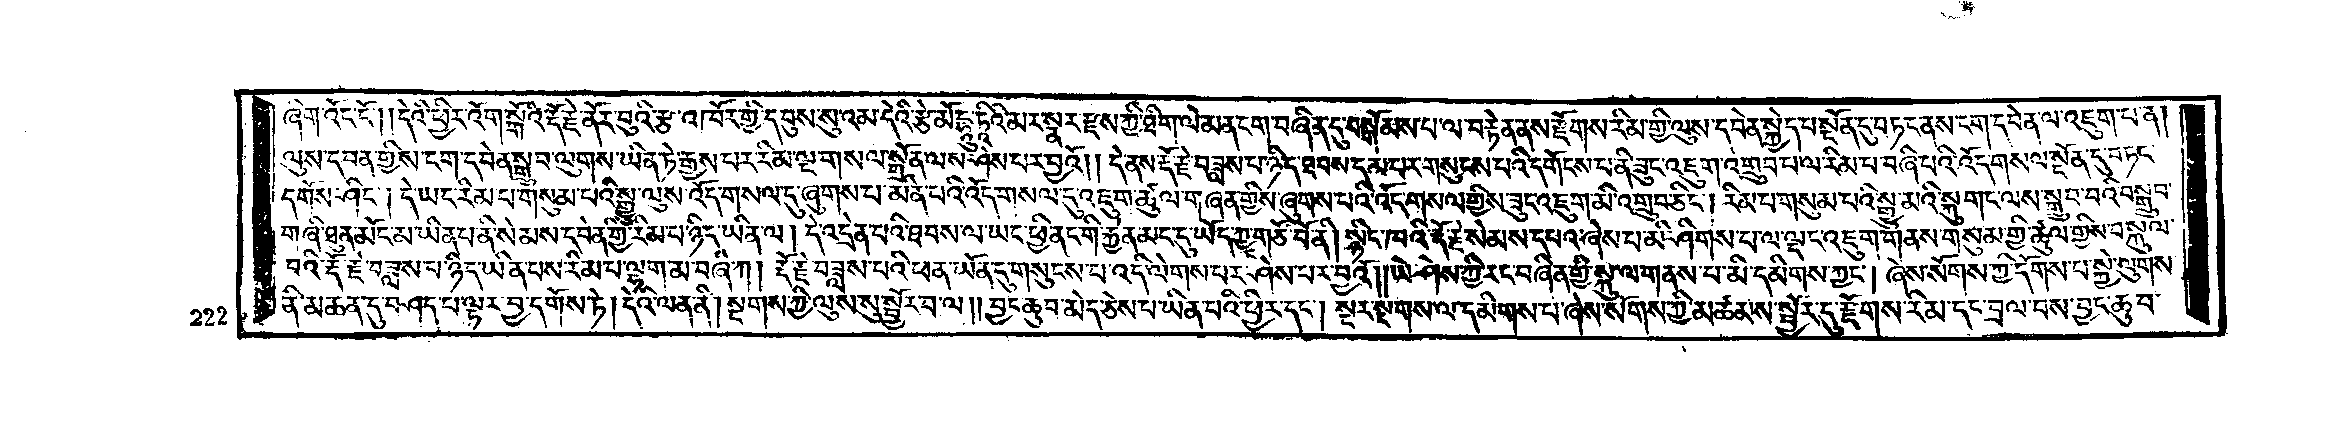ཞིག་འོང་ངོ། །དེའི་ཕྱིར་འོག་སྒོའི་རྡོ་རྗེ་ནོར་བུའི་རྩ་འཁོར་གྱི་དབུས་སུ་འམ་དེའི་རྩེ་མོ་དྷཱུ་ཏཱིའི་མར་སྣར་རྫས་ཀྱི་ཐིག་ལེ་མན་ངག་བཞིན་དུ་བསྒོམས་པ་ལ་བརྟེན་ནས་རྫོགས་རིམ་གྱི་ལུས་དབེན་སྐྱེད་པ་སྔོན་དུ་བཏང་ནས་ངག་དབེན་ལ་འཇུག་པ་ནི།
ལུས་དབེན་གྱིས་ངག་དབེན་སྒྲུབ་ལུགས་ཡིན་ཏེ་རྒྱས་པར་རིམ་ལྔ་གསལ་སྒྲོན་ལས་ཤེས་པར་བྱའོ། །དེ་ནས་རྡོ་རྗེ་བཟླས་པ་ཉིད་ཐབས་དམ་པར་གསུངས་པའི་དགོངས་པ་ནི་ཟུང་འཇུག་འགྲུབ་པ་ལ་རིམ་པ་བཞི་པའི་འོད་གསལ་སྔོན་དུ་བཏང་
དགོས་ཤིང་། དེ་ཡང་རིམ་པ་གསུམ་པའི་སྒྱུ་ལུས་འོད་གསལ་དུ་ཞུགས་པ་མིན་པའི་འོད་གསལ་དུ་འཇུག་ཚུལ་གཞན་གྱིས་ཞུགས་པའི་འོད་གསལ་གྱིས་ཟུང་འཇུག་མི་འགྲུབ་ཅིང་། རིམ་པ་གསུམ་པའི་སྒྱུ་མའི་སྐུ་གང་ལས་སྒྲུབ་པའི་བསྒྲུབ་
གཞི་ཐུན་མོང་མ་ཡིན་པ་ནི་སེམས་དབེན་གྱི་རིམ་པ་ཉིད་ཡིན་ལ། དེ་འདྲེན་པའི་ཐབས་ལ་ཡང་ཕྱི་ནང་གི་རྐྱེན་མང་དུ་ཡོད་ཀྱང་གཙོ་བོ་ནི། སྙིང་ཁའི་རྡོ་རྗེ་སེམས་དཔའ་ཞེས་པ་མི་ཤིགས་པ་ལ་ལྡང་འཇུག་གནས་གསུམ་གྱི་ཚུལ་གྱིས་བསྐུལ་
བའི་རྡོ་རྗེ་བཟླས་པ་ཉིད་ཡིན་པས་རིམ་པ་ལྷག་མ་བཞི་ཀ། རྡོ་རྗེ་བཟླས་པའི་ཕན་ཡོན་དུ་གསུངས་པ་འདི་ལེགས་པར་ཤེས་པར་བྱའོ། །ཡེ་ཤེས་ཀྱི་རང་བཞིན་གྱི་སྐུ་ལ་གནས་པ་མི་དམིགས་ཀྱང་། ཞེས་སོགས་ཀྱི་དོགས་པ་སྐྱེ་ལུགས་
ནི་མཚན་དུ་བཤད་པ་ལྟར་བྱ་དགོས་ཏེ། དེའི་ལན་ནི། སྔགས་ཀྱི་ལུས་སུ་སྦྱོར་བ་ལ། །བྱང་ཆུབ་མེད་ཅེས་པ་ཡིན་པའི་ཕྱིར་དང་། སྔར་སྔགས་ལ་དམིགས་པ་ཞེས་སོགས་ཀྱི་མཚམས་སྦྱོར་དུ་རྫོགས་རིམ་དང་བྲལ་བས་བྱང་ཆུབ་